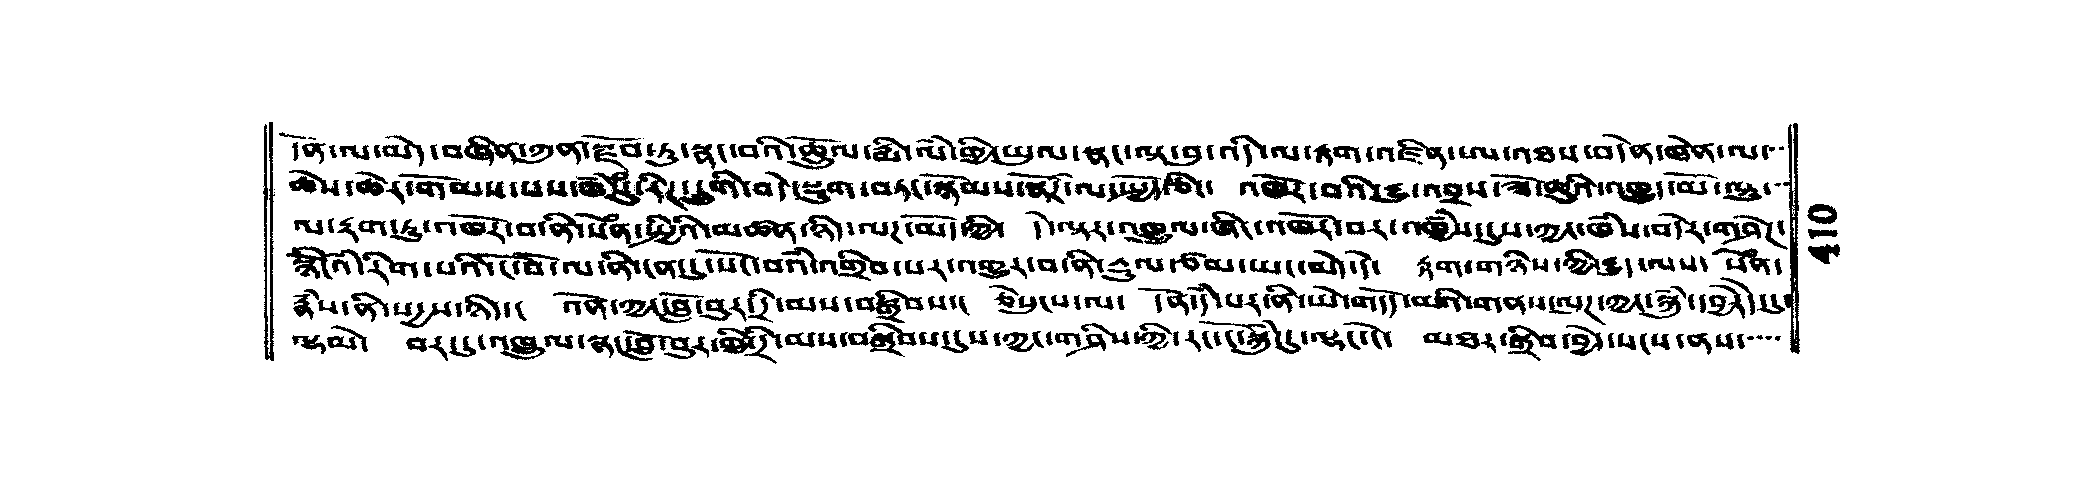དོན་ལ་མེད་བཞིན་ཀུན་རྫོབ་ཏུ་སྣང་བའི་ཆོ་འཕྲུལ་རྨི་ལམ་གྱི་ཡུལ་སྣང་ལྟ་བུ་འདི་ལ་རྟག་འཛིན་ཨ་འཐས་བདེན་ཞེན་ལ་
ཆེས་ཆེར་གོམས་པས་ཁམས་གསུམ་རིགས་དྲུག་གི་བདེ་སྡུག་བཏང་སྙོམས་སྣ་ཚོགས་ལ་སྤྱོད་ཅིང་། འཁོར་བའི་རྒྱུ་འབྲས་ཟོ་ཆུའི་འཁྱུད་མོ་ལྟ་བུ་
ལ་རྟག་ཏུ་འཁོར་བ་ནི་སེམས་ཅན་སྤྱིའི་མཚན་ཉིད་ལགས་མོད་ཀྱི། དེ་ལྟར་འཁྲུལ་ཞིང་འཁོར་བར་འཁྱམས་དུས་ཀྱང་ཁམས་བདེ་གཤེགས་
སྙིང་པོའམ་རིག་པའི་ངོ་བོ་ལ་ནི་ངན་དུ་སོང་བའི་འགྲིབ་པར་འགྱུར་བ་ནི་རྡུལ་ཙམ་ཡང་མེད་དེ། རྟག་གཉིས་ཀྱི་རྒྱུད་ལས། སེམས་ཅན་
རྣམས་ནི་སངས་རྒྱས་ཉིད། །འོན་ཀྱང་བློ་བུར་དྲི་མས་བསྒྲིབས། ཅེས་གསུངས་ལ། དོན་དམ་པར་ནི་ཡེ་གདོད་མའི་གནས་ལུགས་ཀྱང་སྐུ་གསུམ་དབྱེར་མེད་དུ་
ལྷམ་མེ། བར་དུ་འཁྲུལ་སྣང་བློ་བུར་གྱི་དྲི་མས་བསྒྲིབས་དུས་ཀྱང་གཤིས་ཀྱི་རང་ངོ་སྐུ་གསུམ་དུ་ལྷང་ངེ་། མཐར་སྒྲིབ་བྱེད་སངས་ནས་